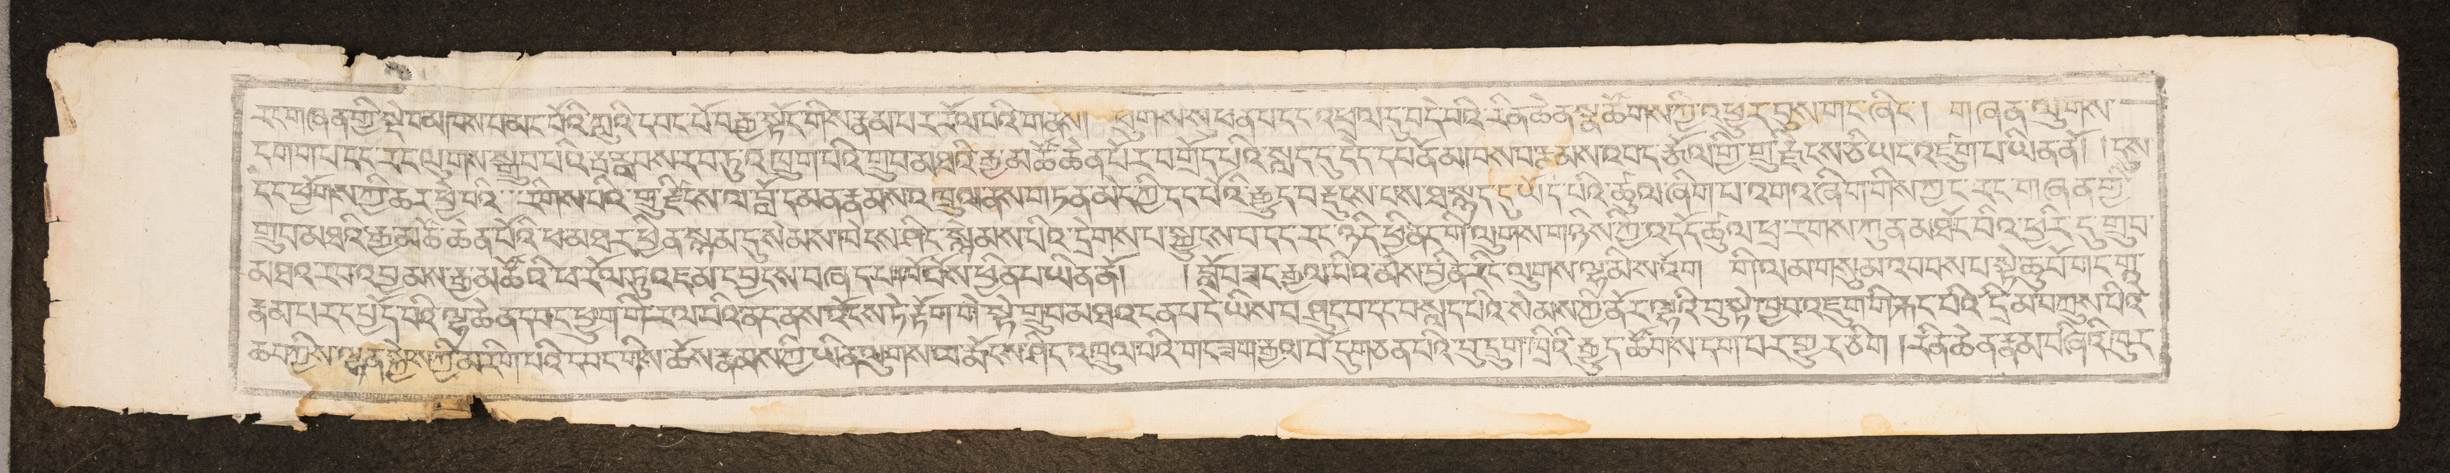རང་གཞན་གྱི་སྡེ་བ་མཁས་པ་མང་པོའི་ཀླུའི་དབང་པོ་བརྒྱ་སྟོང་གིས་རྣམ་པར་རོལ་བའི་གནས། ཕུགས་སུ་ཕན་པ་དང་འཕྲལ་དུ་བདེ་བའི་རིན་ཆེན་སྣ་ཚོགས་ཀྱི་འཕྱུར་བུས་གང་ཞིང་། གཞན་ལུགས་
དགག་པ་དང་རང་ལུགས་སྒྲུབ་པའི་རྦ་རླབས་རབ་ཏུ་འཁྲུག་པའི་གྲུབ་མཐའི་རྒྱ་མཚོ་ཆེན་པོར་བགྲོད་པའི་སླད་དུ་དེད་དཔོན་མཁས་པ་རྣམས་འབད་རྩོལ་གྱི་གྲུ་རྫིངས་ཅི་ཡང་འཛུག་པ་ཡིན་ནོ། །དུས་
དང་ཕྱོགས་ཀྱི་ཆར་ཕྱེ་བའི་རིགས་པའི་གྲུ་རྫིངས་ལ་བློ་དམན་རྣམས་འཁྲུལ་ནས་གཏན་མེད་ཀྱི་དང་པོའི་རྒྱུད་བརྡུངས་པས་ཐ་སྙད་དུ་ཡོད་པའི་ཚུལ་ཞིག་པ་འགའ་ཞིག་གིས་ཀྱང་རང་གཞན་གྱི་
གྲུབ་མཐའི་རྒྱ་མཚོ་ཆེན་པོའི་ཕ་མཐར་ཕྱིན་སྙམ་དུ་སེམས་ཁེངས་ཤིང་སྙམས་པའི་དྲེགས་པ་སྐྱུངས་པ་དང་རང་ཉིད་ཕྱི་ནང་གི་ལུགས་གཉིས་ཀྱི་འདོད་ཚུལ་ཕྲ་རགས་ཀུན་མཐོང་བའི་ཕྱིར་དུ་གྲུབ་
མཐའ་རབ་འབྱམས་རྒྱ་མཚོའི་ཕ་རོལ་ཏུ་འཇམ་དབྱངས་བཞད་པ་ཁོ་བོས་ཕྱིན་པ་ཡིན་ནོ། །བློ་བཟང་རྒྱལ་པའི་མེས་བྱིན་རིང་ལུགས་ལྷ་མི་ས་འོག་གི་ལམ་གསུམ་འབབས་པ་སྟེ་ཆུ་བོ་གང་གཱ་
རྣམ་པར་དཔྱོད་པའི་ལྷ་ཆེན་དབང་ཕྱུག་གི་རལ་པའི་ནང་ནས་འོངས་ཏེ་རྟོག་གེ་སྟེ་གྲུབ་མཐའ་ངན་པ་དེ་ཡིས་བཤུང་བ་དང་བསླད་པའི་སེམས་ཀྱི་ནོར་ལྷའི་བུ་སྟེ་ཁྱབ་འཇུག་གི་རྐང་པའི་དྲི་མ་བཀྲུས་པའི་
ཆབ་ཀྱིས་ལྷན་སྐྱེས་ཀྱི་མ་རིག་པའི་དབང་གིས་ཆོས་རྣམས་ཀྱི་ཡིན་ལུགས་ལ་རྨོངས་ཤིང་འཁྲུལ་བའི་གང་ཟག་རྒྱལ་པོ་དུག་ཅན་བའི་བུ་དྲུག་ཁྲིའི་རྒྱུད་ཚོགས་དག་པར་གྱུར་ཅིག །རིན་ཆེན་རྣམ་བཞིའི་ཁུར་